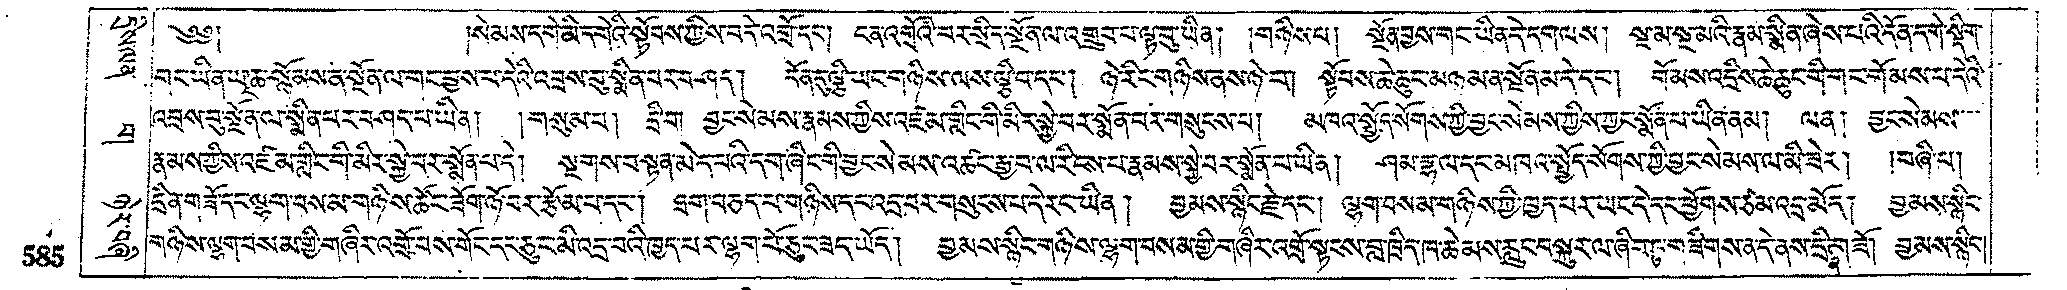༄༅། །སེམས་དགེ་མི་དགེའི་སྟོབས་ཀྱིས་བདེ་འགྲོ་དང་། ངན་འགྲོའི་བར་སྲིད་སྔོན་ལ་འགྲུབ་པ་ལྟ་བུ་ཡིན། །གཉིས་པ། སྔོན་བྱས་གང་ཡིན་དེ་དག་ལས། སྔ་མ་སྔ་མའི་རྣམ་སྨིན་ཞེས་པའི་དོན་དགེ་སྡིག་
གང་ཡིན་ཡང་ཆ་སྙོམས་ན་སྔོན་ལ་གང་བྱས་པ་དེའི་འབྲས་བུ་སྨིན་པར་བཤད། དོན་དུ་ལྕི་ཡང་གཉིས་ལས་ལྕི་བ་དང་། ཉེ་རིང་གཉིས་ནས་ཉེ་བ། སྟོབས་ཆེ་ཆུང་མཉམ་ན་སྔོན་མ་དེ་དང་། གོམས་འདྲིས་ཆེ་ཆུང་གི་གང་གོམས་པ་དེའི་
འབྲས་བུ་སྔོན་ལ་སྨིན་པར་བཤད་པ་ཡིན། །གསུམ་པ། དྲི་བ། བྱང་སེམས་རྣམས་ཀྱིས་འཛམ་གླིང་གི་མིར་སྐྱེ་བར་སྨོན་པར་གསུངས་པ། མཁའ་སྤྱོད་སོགས་ཀྱི་བྱང་སེམས་ཀྱིས་ཀྱང་སྨོན་པ་ཡིན་ནམ། ལན། བྱང་སེམྶ་་་
རྣམས་ཀྱིས་འཛམ་གླིང་གི་མིར་སྐྱེ་བར་སྨོན་པ་དེ། སྔགས་བསྟན་མེད་པའི་དག་ཞིང་གི་བྱང་སེམས་འཚང་རྒྱ་བ་ལ་རིངས་པ་རྣམས་སྐྱེ་བར་སྨོན་པ་ཡིན། ཤམ་བྷ་ལ་དང་མཁའ་སྤྱོད་སོགས་ཀྱི་བྱང་སེམས་ལ་མི་ཟེར། །བཞི་པ།
དྲིན་གཟོ་དང་ལྷག་བསམ་གཉིས་ཚོང་ཟོག་ཉོ་བར་རྩོམ་པ་དང་། ཐག་བཅད་པ་གཉིས་དང་འདྲ་བར་གསུངས་པ་དེ་རང་ཡིན། བྱམས་སྙིང་རྗེ་དང་། ལྷག་བསམ་གཉིས་ཀྱི་ཁྱད་པར་ཡང་དེ་དང་ཕྱོགས་ཙམ་འདྲ་མོད། བྱམས་སྙིང་
གཉིས་ལྷག་བསམ་གྱི་གཞིར་འགྲོ་བས་གོང་དང་ཅུང་མི་འདྲ་བའི་ཁྱད་པར་ལྷག་པོ་ཅུང་ཟད་ཡོད། བྱམས་སྙིང་གཉིས་ལྷག་བསམ་གྱི་གཞིར་འགྲོ་སྟངས་བླ་ཁྲིད་ཁ་ཆེམས་རླུང་བསྐུར་ལ་ཞིབ་ཏུ་གཟིགས་ན་དེ་ནས་དྲིན་གཟོ། བྱམས་སྙིང་།